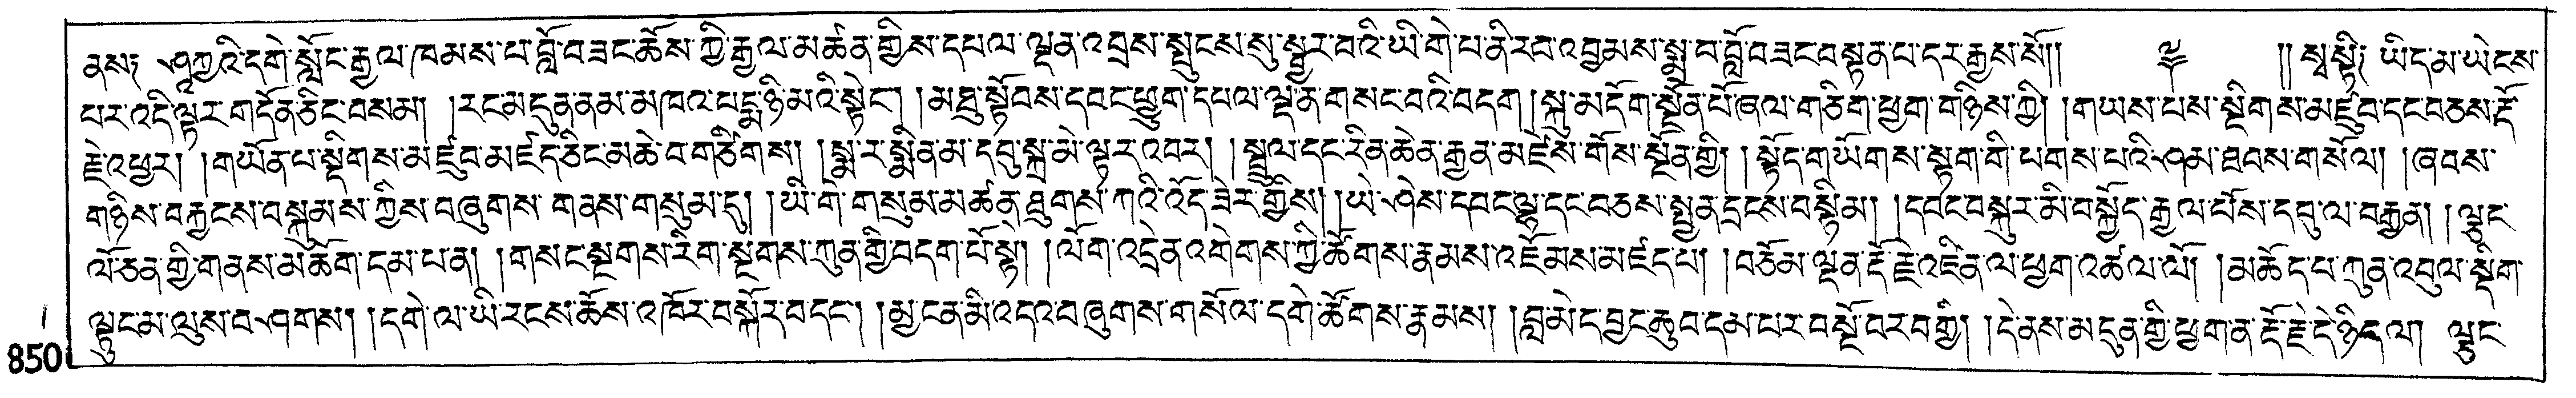ནས། ཤཱཀྱའི་དགེ་སློང་རྒྱལ་ཁམས་པ་བློ་བཟང་ཆོས་ཀྱི་རྒྱལ་མཚན་གྱིས་དཔལ་ལྡན་འབྲས་སྤུངས་སུ་སྦྱར་བའི་ཡི་གེ་པ་ནི་རབ་འབྱམས་སྨྲ་བ་བློ་བཟང་བསྟན་པ་དར་རྒྱས་སོ།། ༈ །།སྭ་སྟི༑ ཡིད་མ་ཡེངས་
པར་འདི་ལྟར་གདོན་ཅིང་བསམ། །རང་མདུན་ནམ་མཁའ་པདམ་ཉི་མའི་སྟེང་། །མཐུ་སྟོབས་དབང་ཕྱུག་དཔལ་ལྡན་གསང་བའི་བདག །སྐུ་མདོག་སྔོན་པོ་ཞལ་གཅིག་ཕྱག་གཉིས་ཀྱི། །གཡས་པས་སྡིགས་མཛུབ་དང་བཅས་རྡོ་
རྗེ་འཕྱར། །གཡོན་པ་སྡིགས་མཛུབ་མཛད་ཅིང་མཆེ་བ་གཙིགས། །སྨ་ར་སྨིན་མ་དབུ་སྐྲ་མེ་ལྟར་འབར། །སྤྲུལ་དང་རིན་ཆེན་རྒྱན་མཛེས་གོས་སྔོན་གྱི། །སྟོད་གཡོགས་སྟག་གི་པགས་པའི་ཤམ་ཐབས་གསོལ། །ཞབས་
གཉིས་བརྐྱངས་བསྐུམས་ཀྱིས་བཞུགས་གནས་གསུམ་དུ། །ཡི་གེ་གསུམ་མཚན་ཐུགས་ཀའི་འོད་ཟེར་གྱིས། །ཡེ་ཤེས་དབང་ལྷ་དང་བཅས་སྤྱན་དྲངས་བསྟིམ། །དབང་བསྐུར་མི་བསྐྱོད་རྒྱལ་པོས་དབུ་ལ་བརྒྱན། །ལྕང་
ལོ་ཅན་གྱི་གནས་མཆོག་དམ་པ་ན། །གསང་སྔགས་རིག་སྔགས་ཀུན་གྱི་བདག་པོ་སྟེ། །ལོག་འདྲེན་འགེགས་ཀྱི་ཚོགས་རྣམས་འཇོམས་མཛད་པ། །བཅོམ་ལྡན་རྡོ་རྗེ་འཛིན་ལ་ཕྱག་འཚལ་ལོ། །མཆོད་པ་ཀུན་འབུལ་སྡིག་
ལྟུང་མ་ལུས་བཤགས། །དགེ་ལ་ཡི་རངས་ཆོས་འཁོར་བསྐོར་བ་དང་། །མྱ་ངན་མི་འདའ་བཞུགས་གསོལ་དགེ་ཚོགས་རྣམས། །བླ་མེད་བྱང་ཆུབ་དམ་པར་བསྔོ་བར་བགྱི། །དེ་ནས་མདུན་གྱི་ཕྱག་ན་རྡོ་རྗེ་དེ་ཉིད་ལ། ལྕང་